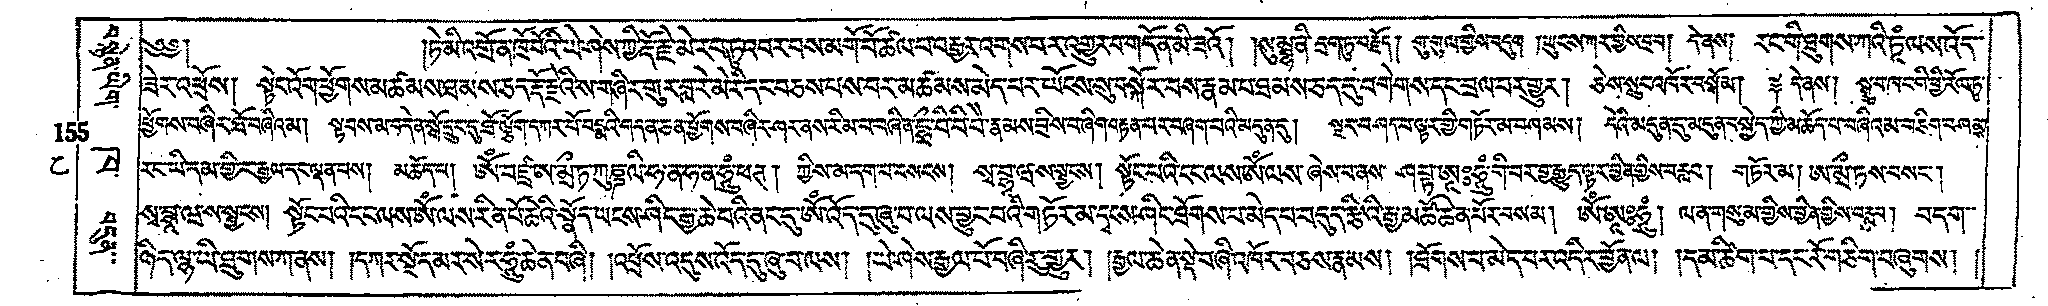༄༅། །ཏེ་མི་འགྲོ་ན་ཁྲོ་བོའི་ཡེ་ཤེས་ཀྱི་རྡོ་རྗེ་མེ་རབ་ཏུ་འབར་བས་མགོ་བོ་ཚལ་པ་བརྒྱར་འགས་པར་འགྱུར་བ་གདོན་མི་ཟའོ། །སུ་མྦྷ་ནི་དྲག་ཏུ་བརྗོད། གུ་གུལ་གྱིས་བདུག །ཡུངས་ཀར་གྱིས་བྲབ། དེ་ནས།  རང་གི་ཐུགས་ཀའི་ཏཱཾ་ལས་འོད་་་
ཟེར་འཕྲོས། སྟེང་འོག་ཕྱོགས་མཚམས་ཐམས་ཅད་རྡོ་རྗེའི་ས་གཞི་ར་གུར་བླ་རེ་མེ་རི་དང་བཅས་པས་བར་མཚམས་མེད་པར་ཡོངས་སུ་བསྐོར་བས་རྣམ་པ་ཐམས་ཅད་དུ་བགེགས་དང་བྲལ་བར་གྱུར། ཅེས་སྲུང་འཁོར་བསྒོམ། འདེ་ནས། སྒྲུབ་ཁང་གི་ཕྱི་རོལ་ཏུ་
ཕྱོགས་བཞིར་ཐོ་བཞིའམ། སྟབས་མ་བདེན་སྒོ་དྲུང་དུ་ཐོ་ལྕོག་དཀར་པོ་པདམའི་གདན་ཅན་ཕྱོགས་བཞིར་ཤར་ནས་རིམ་པ་བཞིན་དྷྲྀ་བི་བི་བཻ་རྣམས་བྲིས་པ་ཞིག་བརྟན་པར་བཞག་པའི་མདུན་དུ། སྔར་བཤད་པ་ལྟར་གྱི་གཏོར་མ་བཤམས། དེའི་མདུན་དུ་མདུན་བསྐྱེད་ཀྱི་མཆོད་པ་བཞིའམ་གཅིག་བཤམས་
རང་ཡི་དམ་གྱི་ང་རྒྱལ་དང་ལྡན་པས། མཆོད་པ། ཨོཾ་བྫྲ་ཨ་མྲྀ་ཏ་ཀུཎྜ་ལི་ཧ་ན་ཧ་ན་ཧཱུཾ་ཕཊ། ཀྱིས་མ་དག་པ་བསངས།  སྭ་བྷཱ་ཝས་སྦྱངས། སྟོང་པའི་ངང་ལས་ཨོཾ་ལས་ཞེས་པ་ནས་ཤཔྟ་ཨཱཿཧཱུཾ་གི་བར་བྱ་རྒྱུད་ལྟར་བྱིན་གྱིས་བརླབ། གཏོར་མ། ཨ་མྲྀ་ཏས་བསང་།
སྭ་བྷཱ་ཝས་སྦྱངས། སྟོང་པའི་ངང་ལས་ཨོཾ་ལས་རིན་པོ་ཆེའི་སྣོད་ཡངས་ཤིང་རྒྱ་ཆེ་བའི་ནང་དུ་ཨོཾ་འོད་དུ་ཞུ་བ་ལས་བྱུང་བའི་གཏོར་མ་དྭངས་ཤིང་ཐོགས་པ་མེད་པ་བདུད་རྩིའི་རྒྱ་མཚོ་ཆེན་པོར་བསམ། ཨོཾ་ཨཱཿཧཱུཾ། ལན་གསུམ་གྱིས་བྱིན་གྱིས་བརླབ།  བདག་་་
ཉིད་ལྷ་ཡི་ཐུགས་ཀ་ནས། །དཀར་སྔོ་དམར་སེར་ཧཱུཾ་ཆེན་བཞི། །འཕྲོས་འདུས་འོད་དུ་ཞུ་བ་ལས། །ཡེ་ཤེས་རྒྱལ་པོ་བཞི་རུ་གྱུར། །རྒྱལ་ཆེན་སྡེ་བཞི་འཁོར་བཅས་རྣམས། །ཐོགས་པ་མེད་པར་འདིར་བྱོན་ལ། །དམ་ཚིག་པ་དང་རོ་གཅིག་བཞུགས། །